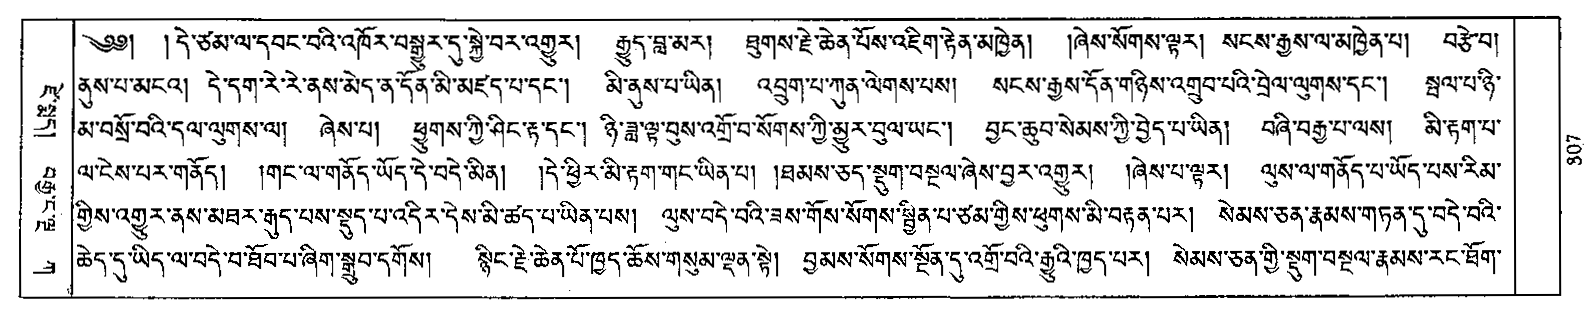༄༅། །དེ་ཙམ་ལ་དབང་བའི་འཁོར་བསྒྱུར་དུ་སྐྱེ་བར་འགྱུར། རྒྱུད་བླ་མར། ཐུགས་རྗེ་ཆེན་པོས་འཇིག་རྟེན་མཁྱེན། །ཞེས་སོགས་ལྟར། སངས་རྒྱས་ལ་མཁྱེན་པ། བརྩེ་བ།
ནུས་པ་མངའ། དེ་དག་རེ་རེ་ནས་མེད་ན་དོན་མི་མཛད་པ་དང་། མི་ནུས་པ་ཡིན། འབྲུག་པ་ཀུན་ལེགས་པས། སངས་རྒྱས་དོན་གཉིས་འགྲུབ་པའི་བྲེལ་ལུགས་དང་། སྦལ་པ་ཉི་
མ་བསྲོ་བའི་དལ་ལུགས་ལ། ཞེས་པ། ཕྱུགས་ཀྱི་ཤིང་རྟ་དང་། ཉི་ཟླ་ལྟ་བུས་འགྲོ་བ་སོགས་ཀྱི་མྱུར་བུལ་ཡང་། བྱང་ཆུབ་སེམས་ཀྱི་བྱེད་པ་ཡིན། བཞི་བརྒྱ་པ་ལས། མི་རྟག་པ་
ལ་ངེས་པར་གནོད། །གང་ལ་གནོད་ཡོད་དེ་བདེ་མིན། །དེ་ཕྱིར་མི་རྟག་གང་ཡིན་པ། །ཐམས་ཅད་སྡུག་བསྔལ་ཞེས་བྱར་འགྱུར། །ཞེས་པ་ལྟར། ལུས་ལ་གནོད་པ་ཡོད་པས་རིམ་
གྱིས་འགྱུར་ནས་མཐར་རྒུད་པས་སྡུད་པ་འདིར་དེས་མི་ཚད་པ་ཡིན་པས། ལུས་བདེ་བའི་ཟས་གོས་སོགས་སྦྱིན་པ་ཙམ་གྱིས་ཕུགས་མི་བརྟན་པར། སེམས་ཅན་རྣམས་གཏན་དུ་བདེ་བའི་
ཆེད་དུ་ཡིད་ལ་བདེ་བ་ཐོབ་པ་ཞིག་སྒྲུབ་དགོས། སྙིང་རྗེ་ཆེན་པོ་ཁྱད་ཆོས་གསུམ་ལྡན་སྟེ། བྱམས་སོགས་སྔོན་དུ་འགྲོ་བའི་རྒྱུའི་ཁྱད་པར། སེམས་ཅན་གྱི་སྡུག་བསྔལ་རྣམས་རང་ཐོག་